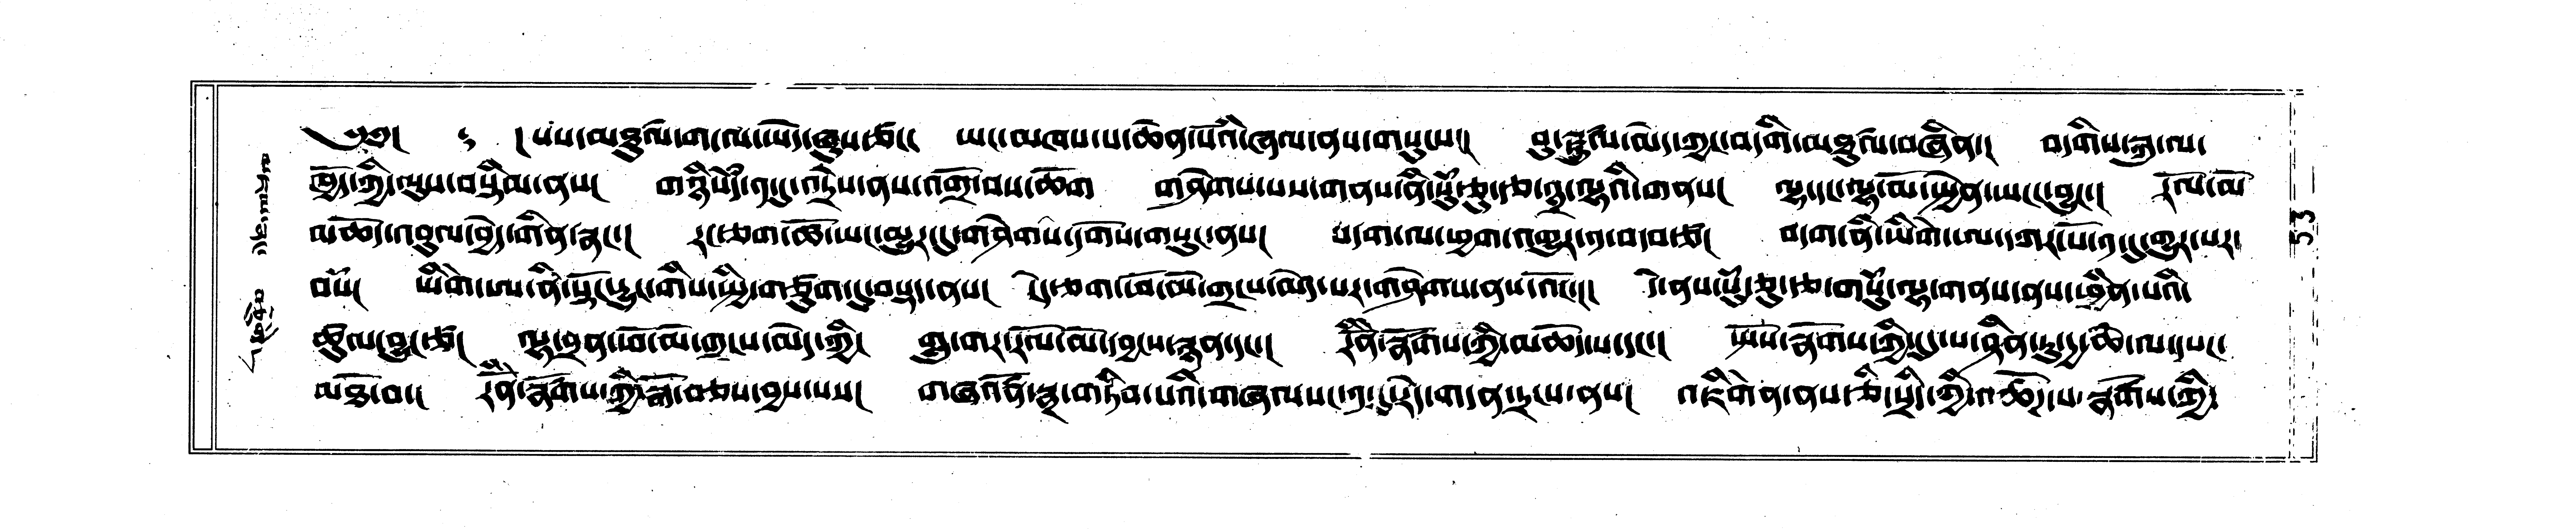པས་མཐུ་རྩལ་གང་ལ་ཡོད་ཞུས་ཙ། ཡང་མཁས་པ་ཆེན་པོའི་ཞལ་ནས་གསུངས། བུ་རྫུ་འཕྲུལ་མེད་ཀྱང་བདག་གི་མཐུ་རྩལ་བཞིན། བདག་གིས་སྐུ་ལ་
ཁྱོད་ཀྱི་ལུས་བསྟིམས་ནས། གཉིས་མེད་གཅིག་དུ་འདྲེས་ནས་འགྲོ་བས་ཆོག གཤེགས་པས་གནས་ནི་སུམ་ཅུ་རྩ་གསུམ་ལྷའི་གནས། ལྷ་དང་ལྷ་མོ་སྤྱན་འདྲེན་ཡང་ཡང་བྱུང་། རོལ་མོ་
མཆོད་འབུལ་བྱེད་གིན་སྣང་། རང་ཅག་ཚོ་ཡང་མྱུར་དུ་གཤེགས་དགོས་གསུང་ནས། བདག་ལ་ཕྱག་འགྱུར་གཅིག་བརྡབ་ཙ། བདག་ནི་ཡི་གེ་ཨ་དཀར་པོ་གཅིག་དུ་གྱུར་པར་
བསམ། ཡི་གེ་ཨ་ནི་སྟོང་རྒྱུང་གི་སྤྱི་གཙུག་ཏུ་བསྡད་ནས། ངེད་ཅག་ཕོ་མོ་གྲངས་མེད་པར་གཤེགས་ནས་འོང་། དེ་ནས་སུམ་ཅུ་རྩ་གསུམ་ལྷ་གནས་ནས་ཕྱིན་པའི་
ཚུལ་བྱུང་ཙ། ལྷ་བྲན་ཕོ་མོ་གྲངས་མེད་ཀྱིས། གླུ་གར་རོལ་མོ་དབྱངས་སྙན་དང་། རིན་པོ་ཆེ་སྣ་ཚོགས་ཀྱི་མཆོད་པ་དང་། སྤོས་སྣ་ཚོགས་ཀྱི་དུད་པ་ཤིན་ཏུ་རྒྱ་ཆེ་ལ་དཔང་
མཐོ་བ། རིན་པོ་ཆེ་སྣ་ཚོགས་ཀྱི་སྒོ་བཅས་བྱས་པས། གཞའ་ཚོན་སྣ་ལྔ་གཏིབ་པའི་གཞལ་ཡས་ཁང་གཅིག་དུ་རེད་གདན་དྲངས་ནས། འཇིག་རྟེན་ནས་ཅི་སྲིད་ཀྱི་འཚོགས་པ་སྣ་ཚོགས་ཀྱི་